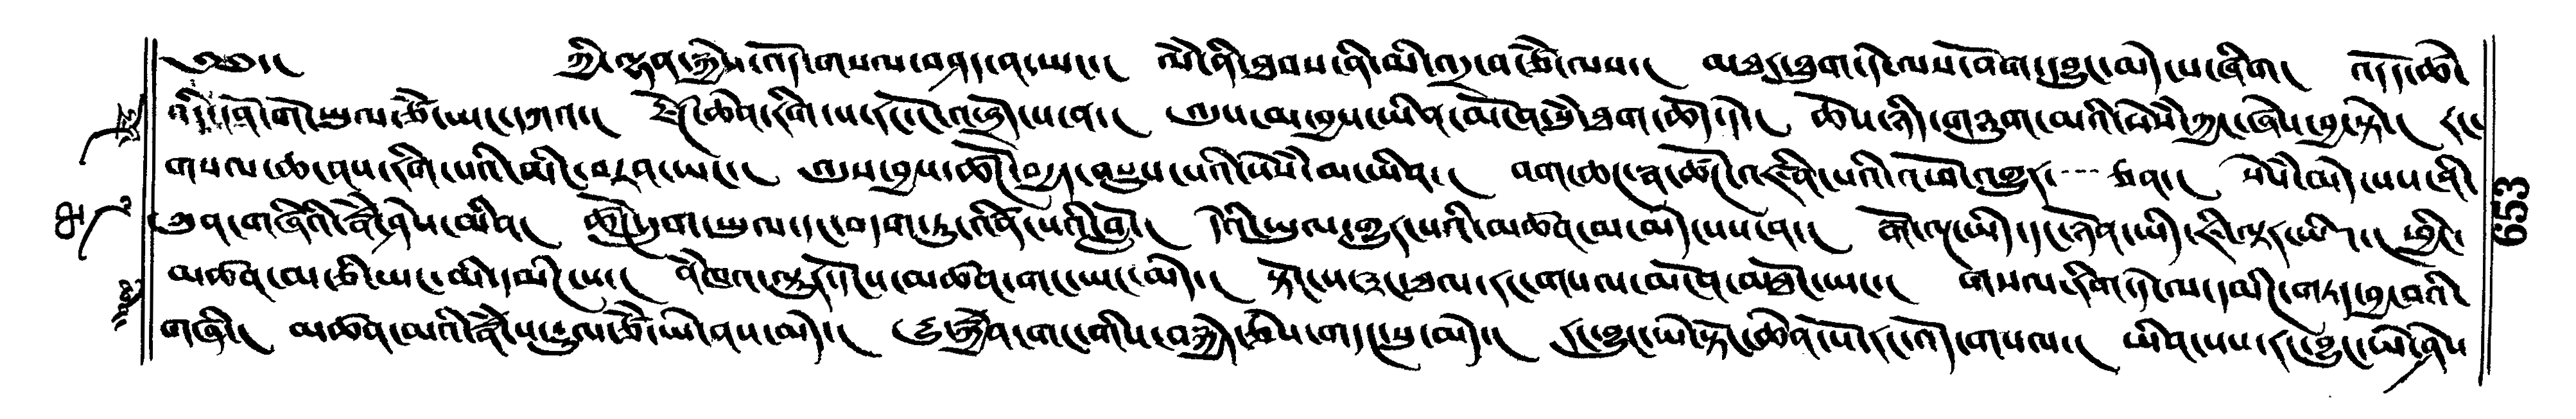ཀྱི་ལྷན་སྐྱེས་འོད་གསལ་བཤད་ན་ཡང་། །ལམ་ནི་ཐབས་ནི་མི་འདྲ་བ་ཙམ་ལས། །མཐར་ཐུག་དེ་ལས་བོགས་དབྱུང་མེད་པ་ཞིག འདོད་ཚེ་
འདོ་དོན་གོ་ཡུལ་ཙམ་ཡང་དཀའ། །རྫོགས་ཆེན་རིག་པ་རང་ངོ་འཕྲོད་པ་ན། །འདུས་མ་བྱས་ཡིན་མངོན་སུམ་ཐག་ཆོད་དེ། །ཆོས་ཉིད་གཉུག་མའི་སེམས་ཀྱང་ཞེས་བྱ་སྟེ། །རང་
གསལ་ཆ་ནས་རིག་པའི་མིང་བཏགས་ཀྱང་། །འདུས་བྱས་ཚོགས་བརྒྱད་བསྡུས་པའི་སེམས་མ་ཡིན། །བག་ཆགས་སྣ་ཚོགས་འཛིན་པའི་འཕོ་འགྱུར་ཅན། །སེམས་མེད་པས་ནི་
ཀུན་གཞིའི་རྣམ་ཤེས་མིན། །ཚོགས་དྲུག་ཡུལ་དང་བདག་ཏུ་འཛིན་པའི་བློ། །དེའི་ཡུལ་གྱུར་པའི་མཚན་མ་མེད་པས་ན། །སྒོ་ལྔ་ཡིད་དང་ཉོན་ཡིད་ཇི་ལྟར་ཡིན། །ཕྱི་ནང་
མཚན་མ་ཅི་ཡང་མི་དམིགས་པ། །ནམ་མཁའ་ལྟ་བུར་དངོས་མཚན་གང་ཡང་མེད། །སྟོང་པ་ཟང་ཐལ་རང་གསལ་མངོན་མཐོང་ཡང་། །གསལ་རིག་དེ་ལ་དམིགས་གཏད་བྱ་བའི་
གཞི། །མཚན་མའི་རྣམ་པ་རྡུལ་ཙམ་ཡེ་ནས་མེད། །རྒྱུ་རྐྱེན་གང་གི་བསྐྱེད་ཅེས་གདགས་སུ་མེད། །རང་བྱུང་ཡེ་སྟོང་ཆེན་པོ་རང་འོད་གསལ། །ཡིན་པས་རང་བྱུང་ཡེ་ཤེས་